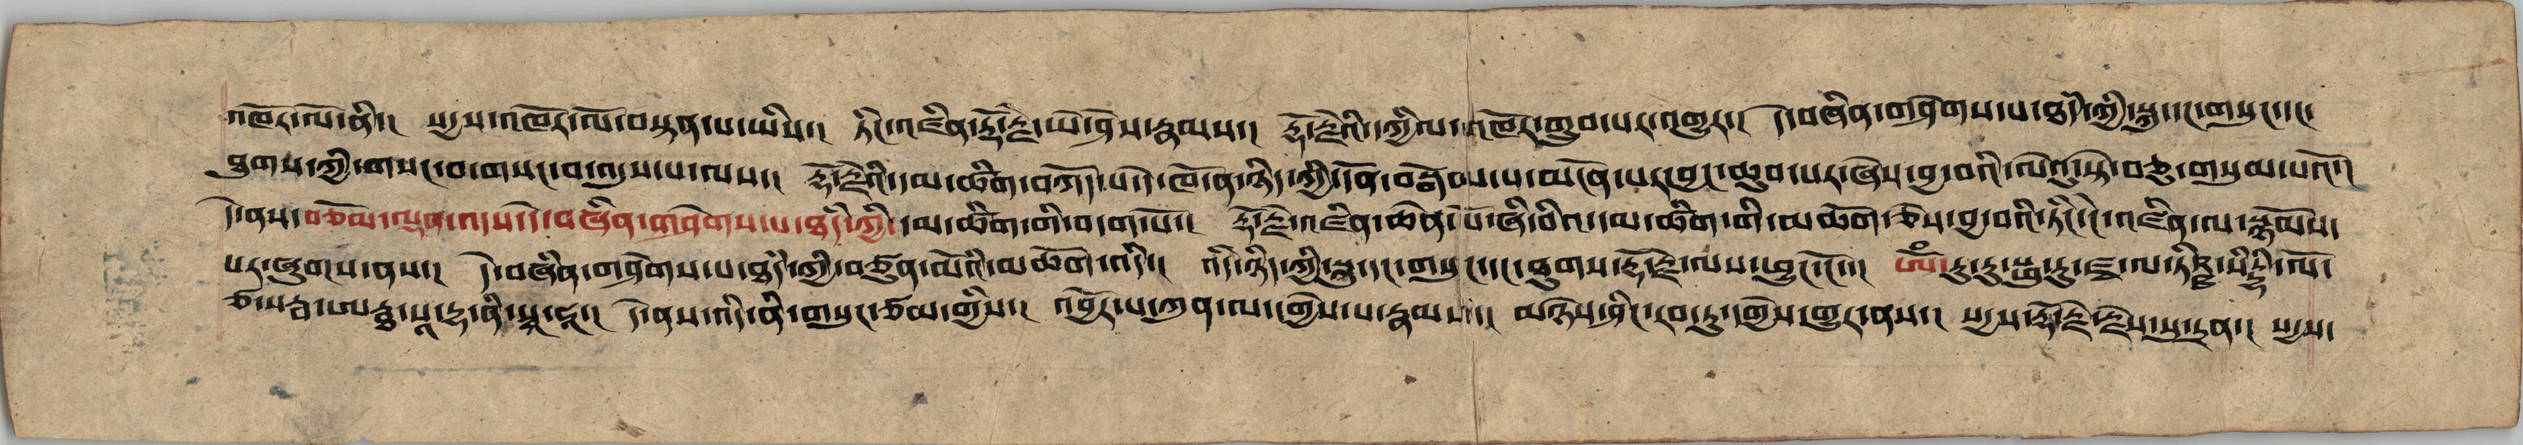འཁོར་ལོ་ནི་། སདྱས་འཁོར་ལོ་བསྟན་པ་ཡིས་། ཏིང་འཛིན་རྡོ་རྗེ་ཡེ་ཤེས་རྣམས་། རྡོ་རྗེའི་དཀྱིལ་འཁོར་གྲུབ་པར་འགྱུར་། དེ་བཞིན་གཤེགས་པ་ཐཾད་ཀྱི་སྐུ་དང་གསུང་དང་
ཐུགས་ཀྱི་གསང་བ་གསང་བ་འདུས་པ་ལས་། རྡོ་རྗེའི་དམ་ཚིག་བཀོད་པ་དེ་ཁོ་ན་ཉིད་ཀྱི་དོན་བསྒོམ་པ་མངོན་པར་བྱང་ཆུབ་པར་ཞེས་བྱ་བའི་ལེའུ་སྟེ་བཅུ་གསུམ་པའོ་།
དེ་ནས་བཅོམ་ལྡན་འདས་དེ་བཞིན་གཤེགས་པ་ཐཾད་ཀྱི་དམ་ཚིག་གི་བདག་པོ་། རྡོ་རྗེ་འཛིན་ཆེན་པོ་ཞི་བའི་དམ་ཚིག་གི་མཆོག་ཅེས་བྱ་བའི་ཏིང་ངེ་འཛིན་ལ་སྙོམས་
པར་ཞུགས་ནས་། དེ་བཞིན་གཤེགས་པ་ཐཾད་ཀྱི་བཙུན་མོའི་མཆོག་འདི་། འདི་ཉིད་ཀྱི་སྐུ་དང་གསུང་དང་ཐུགས་རྡོ་རྗེ་ལས་ཕྱུང་ངོ་་། ཨོཾ་རུ་རུ་སྥུ་རུ་ཛྭ་ལ་ཏིཥྛ་སིདྡྷི་ལོ་
ཙ་སརྦ་ཨརྠ་སཱ་དྷ་ནི་སྭཱ་ཧ་། དེ་ནས་འདི་ནི་གསུང་ཙམ་གྱིས་། འབྱོར་པ་ཀུན་ལ་དགྱེས་པ་རྣམས་་། མཉེས་ཤིང་རབ་ཏུ་དགྱེས་གྱུར་ནས་། སདྱས་རྡོ་རྗེ་རྗེས་སུ་དྲན་། སདྱས་